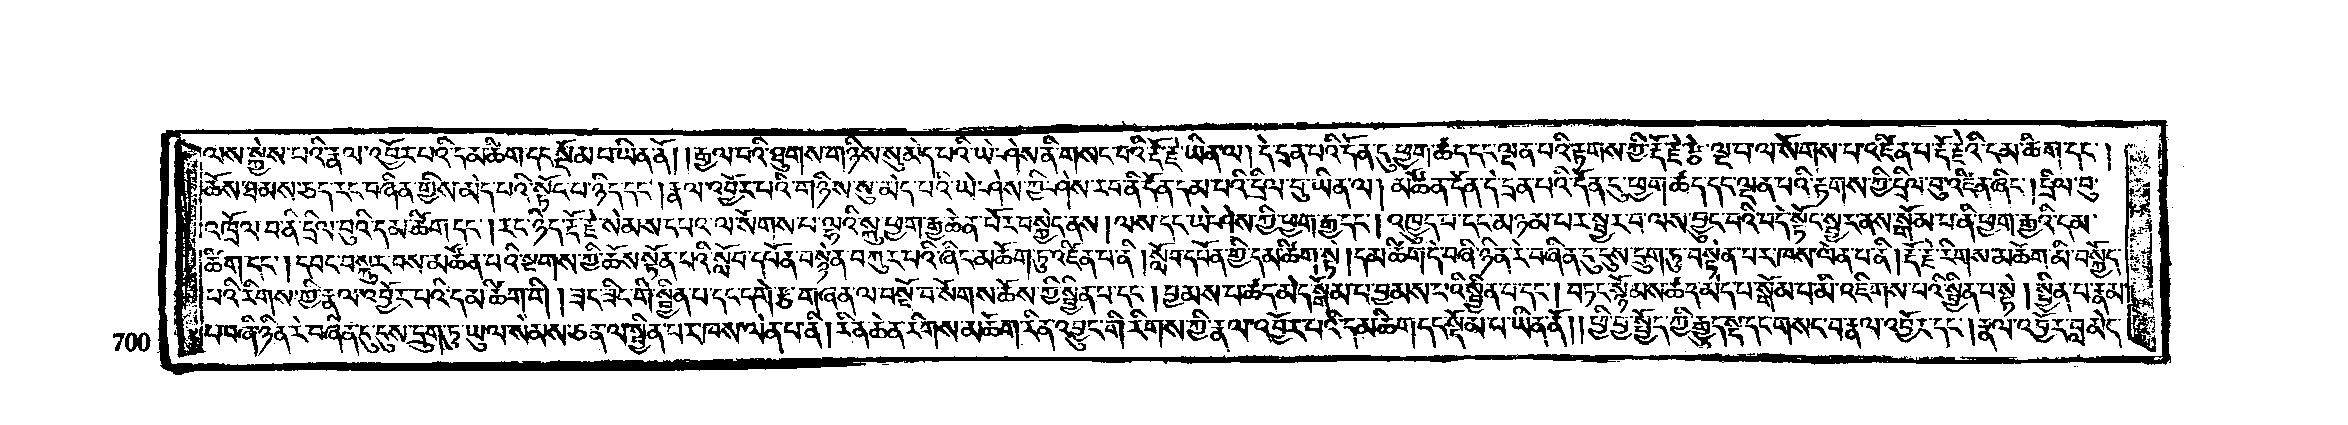ལས་སྐྱེས་པའི་རྣལ་འབྱོར་པའི་དམ་ཚིག་དང་སྡོམ་པ་ཡིན་ནོ། །རྒྱལ་བའི་ཐུགས་གཉིས་སུ་མེད་པའི་ཡེ་ཤེས་ནི་གསང་བའི་རྡོ་རྗེ་ཡིན་ལ། དེ་དྲན་པའི་དོན་དུ་ཕྱག་ཚད་དང་ལྡན་པའི་རྟགས་ཀྱི་རྡོ་རྗེ་རྩེ་ལྔ་པ་ལ་སོགས་པ་འཛིན་པ་རྡོ་རྗེའི་དམ་ཚིག་དང་།
ཆོས་ཐམས་ཅད་རང་བཞིན་གྱིས་མེད་པའི་སྟོང་པ་ཉིད་དང་། རྣལ་འབྱོར་པའི་གཉིས་སུ་མེད་པའི་ཡེ་ཤེས་ཀྱི་ཤེས་རབ་ནི་དོན་དམ་པའི་དྲིལ་བུ་ཡིན་ལ། མཚོན་དོན་དེ་དྲན་པའི་དོན་དུ་ཕྱག་ཚད་དང་ལྡན་པའི་རྟགས་ཀྱི་དྲིལ་བུ་འཛིན་ཞིང་། དྲིལ་བུ་
འཁྲོལ་བ་ནི་དྲིལ་བུའི་དམ་ཚིག་དང་། རང་ཉིད་རྡོ་རྗེ་སེམས་དཔའ་ལ་སོགས་པ་ལྷའི་སྐུ་ཕྱག་རྒྱ་ཆེན་པོར་བསྐྱེད་ནས། ལས་དང་ཡེ་ཤེས་ཀྱི་ཕྱག་རྒྱ་དང་། འཁྱུད་པ་དང་མཉམ་པར་སྦྱར་བ་ལས་བྱུང་བའི་བདེ་སྟོང་སྦྱར་ནས་སྒོམ་པ་ནི་ཕྱག་རྒྱའི་དམ་
ཚིག་དང་། དབང་བསྐུར་བས་མཚོན་པའི་སྔགས་ཀྱི་ཆོས་སྟོན་པའི་སློབ་དཔོན་བསྙེན་བཀུར་པའི་ཞིང་མཆོག་ཏུ་འཛིན་པ་ནི། སློབ་དཔོན་གྱི་དམ་ཚིག་སྟེ། དམ་ཚིག་དེ་བཞི་ཉིན་རེ་བཞིན་དུ་དུས་དྲུག་ཏུ་བསྟེན་པར་ཁས་ལེན་པ་ནི། རྡོ་རྗེ་རིགས་མཆོག་མི་བསྐྱོད་
པའི་རིགས་ཀྱི་རྣལ་འབྱོར་པའི་དམ་ཚིག་གི །ཟང་ཟིང་གི་སྦྱིན་པ་དང་དགེ་རྩ་གཞན་ལ་བསྔོ་བ་སོགས་ཆོས་ཀྱི་སྦྱིན་པ་དང་། བྱམས་པ་ཚད་མེད་སྒོམ་པ་བྱམས་པའི་སྦྱིན་པ་དང་། བཏང་སྙོམས་ཚད་མེད་པ་སྒོམ་པ་མི་འཇིགས་པའི་སྦྱིན་པ་སྟེ། སྦྱིན་པ་རྣམ་
པ་བཞི་ཉིན་རེ་བཞིན་དུ་དུས་དྲུག་ཏུ་ཡུལ་སེམས་ཅན་ལ་སྦྱིན་པར་ཁས་ལེན་པ་ནི། རིན་ཆེན་རིགས་མཆོག་རིན་འབྱུང་གི་རིགས་ཀྱི་རྣལ་འབྱོར་པའི་དམ་ཚིག་དང་སྡོམ་པ་ཡིན་ནོ། །ཕྱི་བྱ་སྤྱོད་ཀྱི་རྒྱུད་སྡེ་དང་གསང་བ་རྣལ་འབྱོར་དང་། རྣལ་འབྱོར་བླ་མེད་